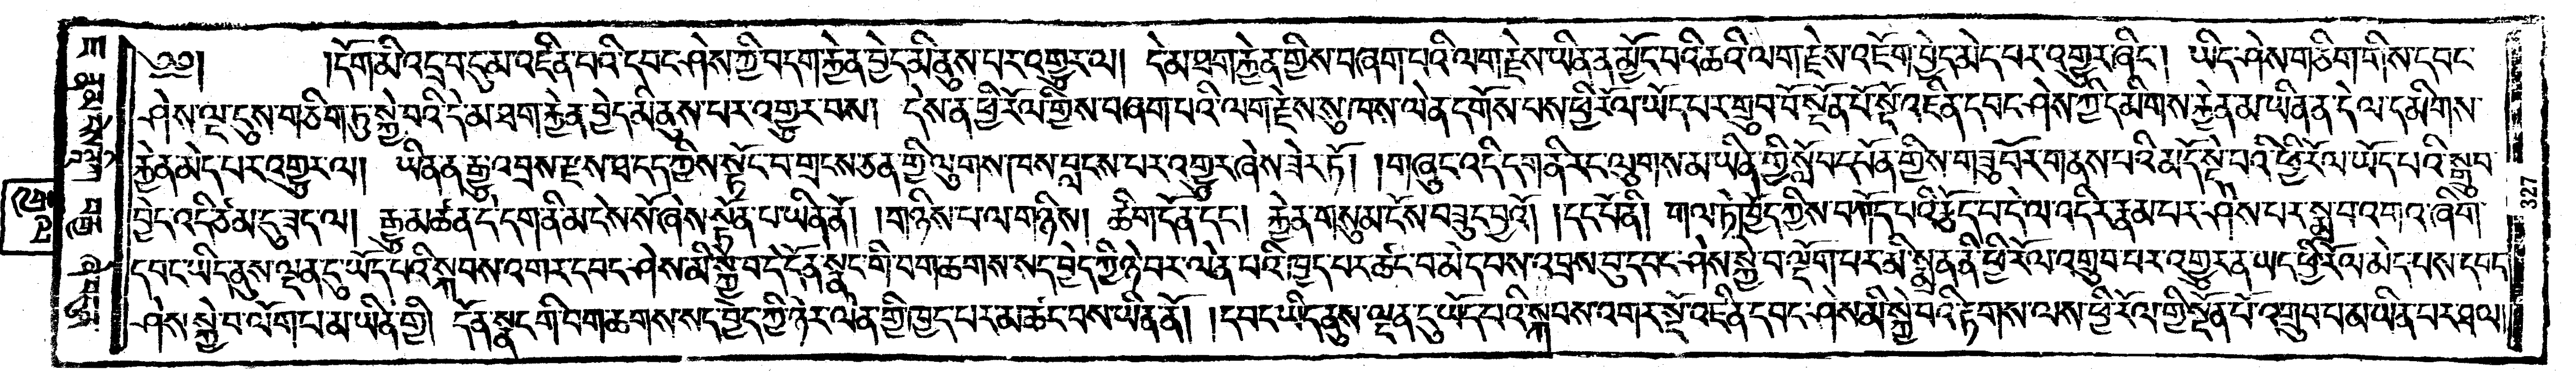༄༅། །དོག་མི་འདྲ་བ་དུ་མ་འཛིན་པའི་དབང་ཤེས་ཀྱི་བདག་རྐྱེན་བྱེད་མི་ནུས་པར་འགྱུར་ལ། དེ་མ་ཐག་རྐྱེན་གྱིས་བཞག་པའི་ལག་རྗེས་ཡིན་ན་མྱོང་བའི་ཆའི་ལག་རྗེས་འཇོག་བྱེད་མེད་པར་འགྱུར་ཞིང་། ཡིད་ཤེས་གཅིག་གིས་དབང་
ཤེས་ལྔ་དུས་གཅིག་ཏུ་སྐྱེ་བའི་དེ་མ་ཐག་རྐྱེན་བྱེད་མི་ནུས་པར་འགྱུར་བས། དེས་ན་ཕྱི་རོལ་གྱིས་བཞག་པའི་ལག་རྗེས་སུ་ཁས་ལེན་དགོས་པས་ཕྱི་རོལ་ཡོད་པར་གྲུབ་བོ་སྔོན་པོ་སྔོ་འཛིན་དབང་ཤེས་ཀྱི་དམིགས་རྐྱེན་མ་ཡིན་ན་དེ་ལ་དམིགས་
རྐྱེན་མེད་པར་འགྱུར་ལ། ཡིན་ན་རྒྱུ་འབྲས་རྫས་ཐ་དད་ཀྱིས་སྟོང་པ་གྲངས་ཅན་གྱི་ལུགས་ཁས་བླངས་པར་འགྱུར་ཞེས་ཟེར་ཏོ། །གཞུང་འདི་དག་ནི་རང་ལུགས་མ་ཡིན་གྱི་སློབ་དཔོན་གྱིས་གཟུ་བོར་གནས་པའི་མདོ་སྡེ་པའི་ཕྱི་རོལ་ཡོད་པའི་སྒྲུབ་
བྱེད་འདི་ཙམ་དུ་ཟད་ལ། རྒྱུ་མཚན་དེ་དག་ནི་མ་ངེས་སོ་ཞེས་སྟོན་པ་ཡིན་ནོ། །གཉིས་པ་ལ་གཉིས། ཚིག་དོན་དང་། རྐྱེན་གསུམ་ངོས་བཟུང་བྱའོ། །དང་པོ་ནི། གལ་ཏེ་ཁྱོད་ཀྱིས་བཀོད་པའི་རྩོད་པ་དེ་ལ་འདིར་རྣམ་པར་ཤེས་པར་སྨྲ་བ་འགའ་ཞིག་
དབང་ཡིད་ནུས་ལྡན་དུ་ཡོད་པའི་སྐབས་འགར་དབང་ཤེས་མི་སྐྱེ་བ་དེ་དོན་སྣང་གི་བག་ཆགས་སད་བྱེད་ཀྱི་ཉེ་བར་ལེན་པའི་ཁྱད་པར་ཚང་བ་མེད་པས་འབྲས་བུ་དབང་ཤེས་སྐྱེ་བ་ལྡོག་པར་མི་སྨྲ་ན་ནི་ཕྱི་རོལ་འགྲུབ་པར་འགྱུར་ན་ཡང་ཕྱི་རོལ་མེད་པས་དབང་
ཤེས་སྐྱེ་བ་ལོག་པ་མ་ཡིན་གྱི། དོན་སྣང་གི་བག་ཆགས་སད་བྱེད་ཀྱི་ཉེར་ལེན་གྱི་ཁྱད་པར་མ་ཚང་བས་ཡིན་ནོ། །དབང་ཡིད་ནུས་ལྡན་དུ་ཡོད་པའི་སྐབས་འགར་སྔོ་འཛིན་དབང་ཤེས་མི་སྐྱེ་བའི་རྟགས་ལས་ཕྱི་རོལ་གྱི་སྔོན་པོ་འགྲུབ་པ་མ་ཡིན་པར་ཐལ།